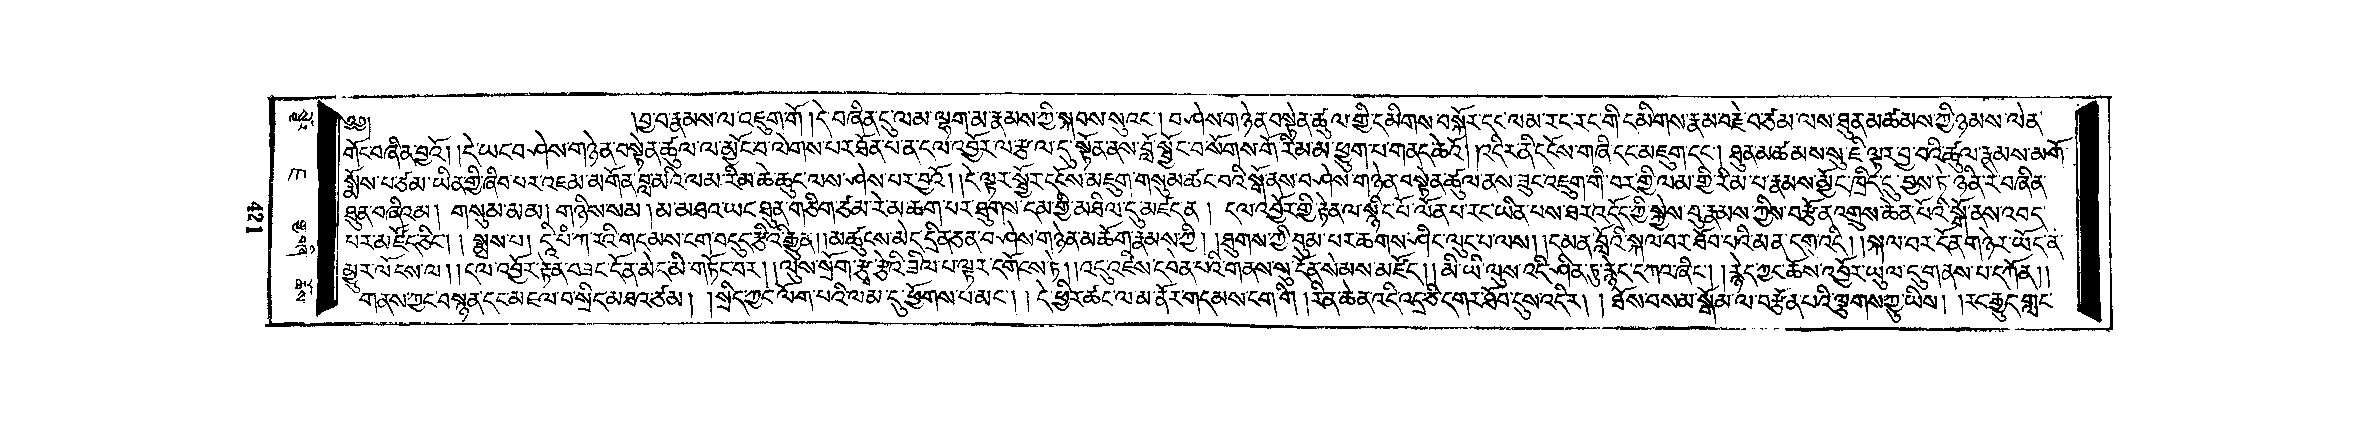༄༅། །བྱ་བ་རྣམས་ལ་འཇུག་གོ །དེ་བཞིན་དུ་ལམ་ལྷག་མ་རྣམས་ཀྱི་སྐབས་སུའང་། བཤེས་གཉེན་བསྟེན་ཚུལ་གྱི་དམིགས་བསྐོར་དང་ལམ་རང་རང་གི་དམིགས་རྣམ་བརྗེ་བ་ཙམ་ལས་ཐུན་མཚམས་ཀྱི་ཉམས་ལེན་
གོང་བཞིན་བྱའོ། །དེ་ཡང་བཤེས་གཉེན་བསྟེན་ཚུལ་ལ་མྱོང་བ་ལེགས་པར་ཐོན་པ་ན་དལ་འབྱོར་ལ་རྩལ་དུ་སྟོན་ནས་བློ་སྦྱོང་བ་སོགས་གོ་རིམ་མ་ཕྱུག་པ་གནད་ཆེའོ། །འདིར་ནི་དངོས་གཞི་དང་མཇུག་དང་། ཐུན་མཚམས་སུ་ཇི་ལྟར་བྱ་བའི་ཚུལ་རྣམས་མགོ་
སྨོས་པ་ཙམ་ཡིན་གྱི་ཞིབ་པར་འཇམ་མགོན་བླ་མའི་ལམ་རིམ་ཆེ་ཆུང་ལས་ཤེས་པར་བྱའོ། །དེ་ལྟར་སྦྱོར་དངོས་མཇུག་གསུམ་ཚང་བའི་སྒོ་ནས་བཤེས་གཉེན་བསྟེན་ཚུལ་ནས་ཟུང་འཇུག་གི་བར་གྱི་ལམ་གྱི་རིམ་པ་རྣམས་མྱོང་ཁྲིད་དུ་བྱས་ཏེ་ཉིན་རེ་བཞིན་
ཐུན་བཞིའམ། གསུམ་མམ། གཉིས་སམ། མ་མཐའ་ཡང་ཐུན་གཅིག་ཙམ་རེ་མ་ཆག་པར་ཐུགས་དམ་གྱི་མཐིལ་དུ་མཛད་ན། དལ་འབྱོར་གྱི་རྟེན་ལ་སྙིང་པོ་ལོན་པ་རང་ཡིན་པས་ཐར་འདོད་ཀྱི་སྐྱེས་བུ་རྣམས་ཀྱིས་བརྩོན་འགྲུས་ཆེན་པོའི་སྒོ་ནས་འབད་
པར་མཛོད་ཅིང་། །སྨྲས་པ། དཱི་པཾ་ཀ་རའི་གདམས་ངག་བདུད་རྩིའི་རྒྱུན། །མཚུངས་མེད་དྲིན་ཅན་བཤེས་གཉེན་མཆོག་རྣམས་ཀྱི། །ཐུགས་ཀྱི་བུམ་པར་ཆགས་ཤིང་ལུང་པ་ལས། །དམན་བློའི་སྐལ་བར་ཐོབ་པའི་མན་དགུ་འདི། །སྐལ་བར་དོན་གཉེར་ཡོད་ན་
མྱུར་ལོངས་ལ། །དལ་འབྱོར་རྟེན་བཟང་དོན་མེད་མི་གཏོང་བར། །ལུས་སྲོག་རྩྭ་རྩེའི་ཟིལ་པ་ལྟར་དགོངས་ཏེ། །འདུ་འཛིས་དབེན་པའི་གནས་སུ་དོན་སེམས་མཛོད། །མི་ཡི་ལུས་འདི་ཤིན་ཏུ་རྙེད་དཀའ་ཞིང་། །རྙེད་ཀྱང་ཆོས་འབྱོར་ཡུལ་དུ་གནས་པ་དཀོན། །
གནས་ཀྱང་བསྙན་དང་མཇལ་བ་སྲིད་མཐའ་ཙམ། །སྲིད་ཀྱང་ལོག་པའི་ལམ་དུ་ཕྱོགས་པ་མང་། །དེ་ཕྱིར་ཚང་ལ་མ་ནོར་གདམས་ངག་གི །རིན་ཆེན་འདི་འདྲ་ཅི་དགར་ཐོབ་དུས་འདིར། །ཐོས་བསམ་སྒོམ་ལ་བརྩོན་པའི་ལྕགས་ཀྱུ་ཡིས། །རང་རྒྱུད་གླང་